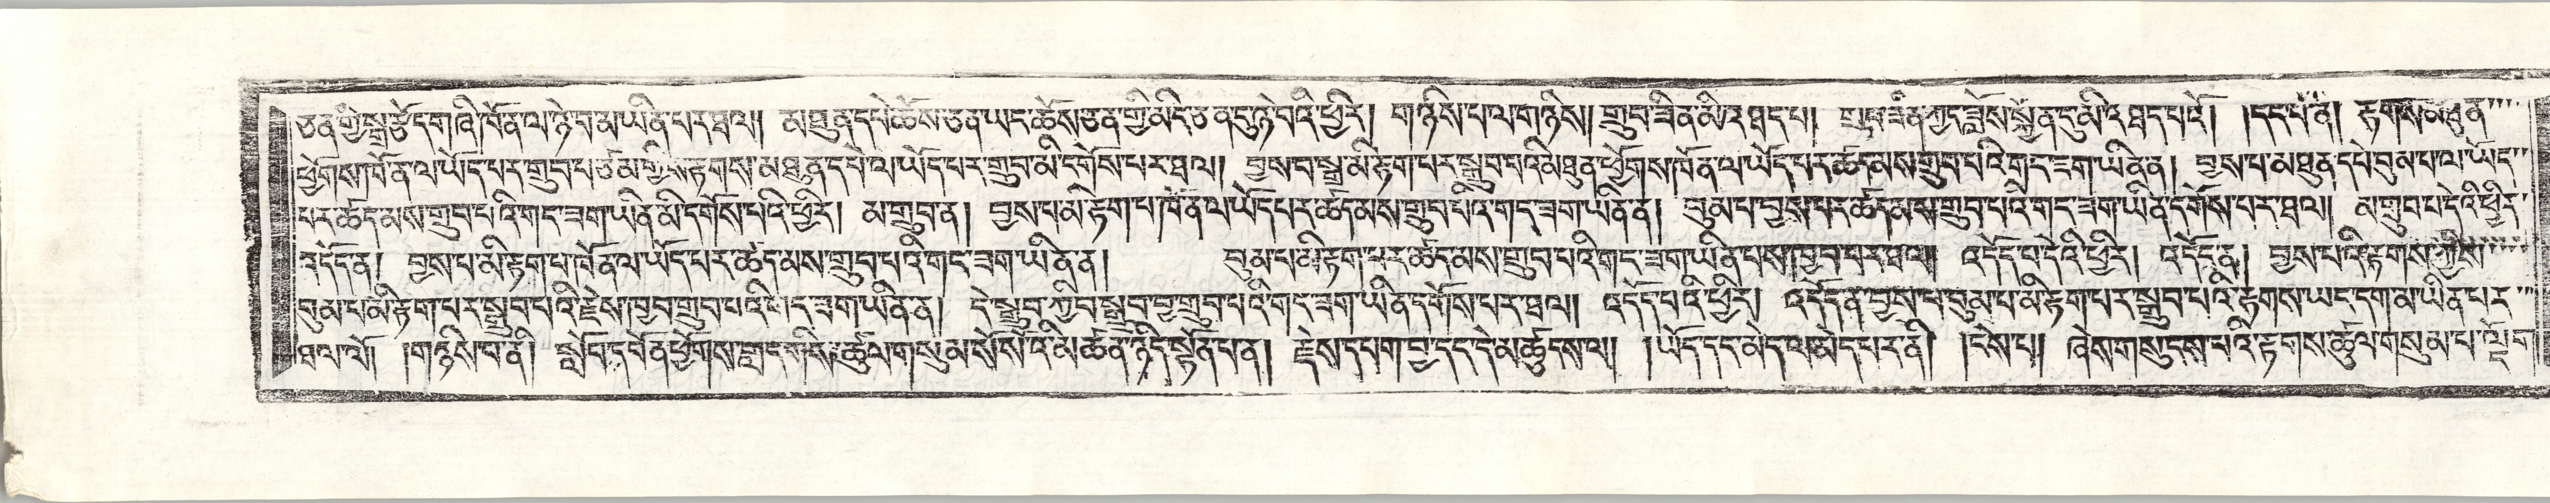ཅན་གྱི་སྒྲ་རྩོད་གཞི་ཁོ་ན་ལ་ཉེ་བ་མ་ཡིན་པར་ཐལ། མཐུན་དཔེ་ཆོས་ཅན་ཡང་ཆོས་ཅན་གྱི་མིང་ཅན་དུ་ཉེ་བའི་ཕྱིར། གཉིས་པ་ལ་གཉིས། གྲུབ་ཟིན་མི་འཐད་པ། གྲུབ་ཟིན་ཀྱང་ཟློས་སྐྱོན་དུ་མི་འཐད་པའོ། །དང་པོ་ནི། རྟགས་མཐུན་
ཕྱོགས་ཁོ་ན་ལ་ཡོད་པར་གྲུབ་པ་ཙམ་གྱིས་རྟགས་མཐུན་དཔེ་ལ་ཡོད་པར་གྲུབ་མི་དགོས་པར་ཐལ། བྱས་པ་སྒྲ་མི་རྟག་པར་སྒྲུབ་པའི་མཐུན་ཕྱོགས་ཁོ་ན་ལ་ཡོད་པར་ཚད་མས་གྲུབ་པའི་གང་ཟག་ཡིན་ན། བྱས་པ་མཐུན་དཔེ་བུམ་པ་ལ་ཡོད་
པར་ཚད་མས་གྲུབ་པའི་གང་ཟག་ཡིན་མི་དགོས་པའི་ཕྱིར། མ་གྲུབ་ན། བྱས་པ་མི་རྟག་པ་ཁོ་ན་ལ་ཡོད་པར་ཚད་མས་གྲུབ་པའི་གང་ཟག་ཡིན་ན། བུམ་པ་བྱས་པར་ཚད་མས་གྲུབ་པའི་གང་ཟག་ཡིན་དགོས་པར་ཐལ། མ་གྲུབ་པ་དེའི་ཕྱིར།
འདོད་ན། བྱས་པ་མི་རྟག་པ་ཁོ་ན་ལ་ཡོད་པར་ཚད་མས་གྲུབ་པའི་གང་ཟག་ཡིན་ན། བུམ་པ་མི་རྟག་པར་ཚད་མས་གྲུབ་པའི་གང་ཟག་ཡིན་པས་ཁྱབ་པར་ཐལ། འདོད་པ་དེའི་ཕྱིར། འདོད་ན། བྱས་པའི་རྟགས་ཀྱིས་
བུམ་པ་མི་རྟག་པར་སྒྲུབ་པའི་རྗེས་ཁྱབ་གྲུབ་པའི་གང་ཟག་ཡིན་ན། དེ་སྒྲུབ་ཀྱི་བསྒྲུབ་བྱ་གྲུབ་པའི་གང་ཟག་ཡིན་དགོས་པར་ཐལ། འདོད་པའི་ཕྱིར། འདོད་ན་བྱས་པ་བུམ་པ་མི་རྟག་པར་སྒྲུབ་པའི་རྟགས་ཡང་དག་མ་ཡིན་པར་
ཐལ་ལོ། །གཉིས་པ་ནི། སློབ་དཔོན་ཕྱོགས་གླང་གིས་ཚུལ་གསུམ་སོ་སོའི་མཚན་ཉིད་སྟོན་པ་ན། རྗེས་དཔག་བྱ་དང་དེ་མཚུངས་ལ། །ཡོད་དང་མེད་ལ་མེད་པར་ནི། །ངེས་པ། ཞེས་གསུངས་པའི་རྟགས་ཚུལ་གསུམ་པ་ལྡོག་